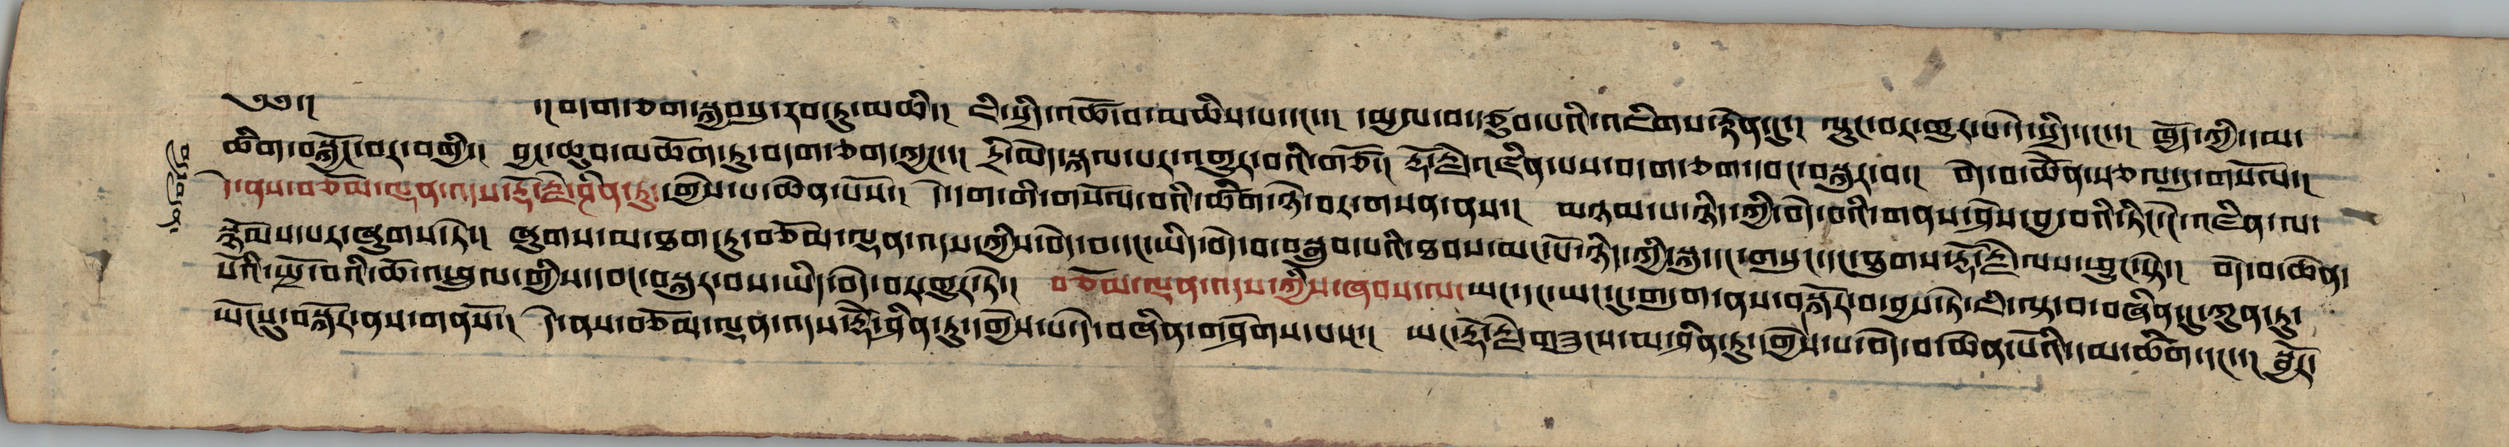༄༅་། ་།བདག་ཅག་སྐྱབསུ་རབ་ཏུ་མཆི་། ཇི་སྲིད་འཚོ་བ་མཆིས་པ་དང་་། དམྱལ་བ་རྩུབ་པའི་འཇིགས་རྟེན་དུ་། ལྟུང་བར་གྱུར་པ་དེ་སྲིད་དང་་། ཁྱོད་ཀྱི་དམ་
ཚིག་བསྐྱོང་བར་བགྱི་། བྱང་ཆུབ་མཆོག་ཏུ་བདག་ཅག་ཀྱང་་། དྲི་མེད་སྐལ་པར་འགྱུར་བའི་གཙོ་། རྡོ་རྗེ་འཛིན་པས་བདག་ཅག་དབང་བསྐུར་བ་། བདེ་བ་ཆེནོ་སྩལ་དུ་གསོལ་།
དེ་ནས་བཅོམ་ལྡན་འདས་རྡོ་རྗེ་ཤིན་ཏུ་དགྱེས་པ་ཆེན་པོས་། དེ་དག་གི་གསོལ་བའི་ཚིག་ཉེ་བར་གསན་ནས་། མཉམ་པ་ཉིད་ཀྱི་བདེ་བའི་གནས་ཤེས་བྱ་བའི་ཏིང་ངེ་འཛིན་ལ་
སྙོམས་པར་ཞུགས་ཏེ་། ཞུགས་མ་ཐག་ཏུ་བཅོམ་ལྡན་འདས་ཀྱིས་བདེ་བ་དང་ཡིད་བདེ་བ་བསྒྲུབ་པའི་ཐབས་མང་པོ་ཉིད་ཀྱི་སྐུ་དང་གསུང་དང་ཐུགས་རྡོ་རྗེ་ལས་ཕྱུང་སྟེ་། བདེ་བ་ཆེན་
པོའི་སྤྲོ་བའི་ཆོ་འཕྲུལ་གྱིས་དབང་བསྐུར་བས་ཡིད་བདེ་བར་གྱུར་ཏེ་། བཅོམ་ལྡན་འདས་ཀྱིས་ཞབས་ལ་ཡང་དང་ཡང་དུ་གདུག་ནས་བསྐོར་བ་བྱས་ཏེ་ཇི་ལྟ་བ་བཞིན་དུ་ཀུན་ཏུ་
ཡོངསུ་བསྐོར་ནས་གནསོ་། དེ་ནས་བཅོམ་ལྡན་འདས་རྡོེ་ཤིན་ཏུ་དགྱེས་པ་དེ་བཞིན་གཤེགས་པས་། ཡང་རྡོ་རྗེ་གཟུངས་མ་ཤིན་ཏུ་དགྱེས་པ་བདེ་བ་ཆེན་པོའི་དམ་ཚིག་དང་་། སྦྱོར་